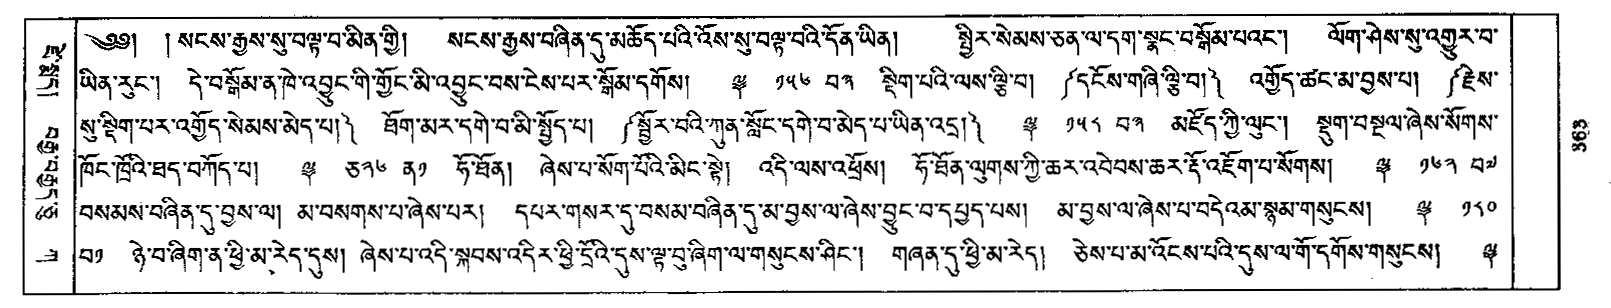༄༅། །སངས་རྒྱས་སུ་བལྟ་བ་མིན་གྱི། སངས་རྒྱས་བཞིན་དུ་མཆོད་པའི་འོས་སུ་བལྟ་བའི་དོན་ཡིན། སྤྱིར་སེམས་ཅན་ལ་དག་སྣང་བསྒོམ་པའང་། ལོག་ཤེས་སུ་འགྱུར་བ་
ཡིན་རུང་། དེ་བསྒོམ་ན་ཁེ་འབྱུང་གི་གྱོང་མི་འབྱུང་བས་ངེས་པར་སྒོམ་དགོས། ༈ ༡༥༦་བ ༣་སྡིག་པའི་ལས་ལྕི་བ། ༼དངོས་གཞི་ལྕི་བ།?་འགྱོད་ཚང་མ་བྱས་པ། ༽རྗེས་
སུ་སྡིག་པར་འགྱོད་སེམས་མེད་པ།༼་ཐོག་མར་དགེ་བ་མི་སྤྱོད་པ། ༽སྦྱོར་བའི་ཀུན་སློང་དགེ་བ་མེད་པ་ཡིན་འདྲ། ༈ ༡༥༨་བ ༣་མཛོད་ཀྱི་ལུང་། སྡུག་བསྔལ་ཞེས་སོགས་
ཁོང་ཁྲོའི་ཐད་བཀོད་པ། ༈ ཅ ༢༦་ན ༡་ཧོ་ཐོན། ཞེས་པ་སོག་པོའི་མིང་སྟེ། འདི་ལས་འཕྲོས། ཧོ་ཐོན་ལུགས་ཀྱི་ཆར་འབེབས་ཆར་རྡོ་འཇོག་པ་སོགས། ༈ ༡༦༢་བ ༧
བསམས་བཞིན་དུ་བྱས་ལ། མ་བསགས་པ་ཞེས་པར། དཔར་གསར་དུ་བསམ་བཞིན་དུ་མ་བྱས་ལ་ཞེས་བྱུང་བ་དཔྱད་པས། མ་བྱས་ལ་ཞེས་པ་བདེ་འམ་སྙམ་གསུངས། ༈ ༡༨༠
བ ༡་ཉེ་བ་ཞིག་ན་ཕྱི་མ་རེད་དུས། ཞེས་པ་འདི་སྐབས་འདིར་ཕྱི་དྲོའི་དུས་ལྟ་བུ་ཞིག་ལ་གསུངས་ཤིང་། གཞན་དུ་ཕྱི་མ་རེད། ཅེས་པ་མ་འོངས་པའི་དུས་ལ་གོ་དགོས་གསུངས། ༈